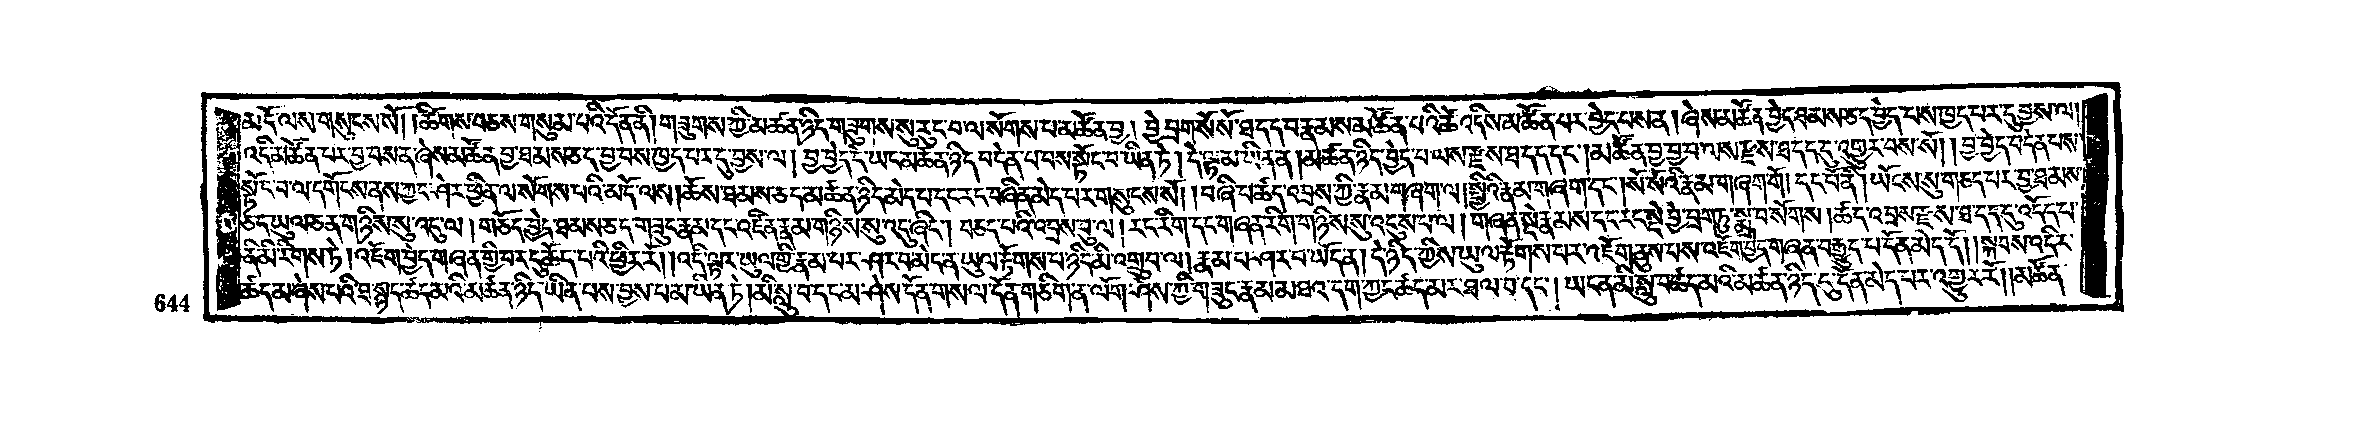མདོ་ལས་གསུངས་སོ། །ཚིགས་བཅས་གསུམ་པའི་དོན་ནི། གཟུགས་ཀྱི་མཚན་ཉིད་གཟུགས་རུང་བ་ལ་སོགས་པ་མཚོན་བྱ། བྱེ་བྲག་སོ་སོ་ཐ་དད་པ་རྣམས་མཚོན་པའི་ཚེ་འདིས་མཚོན་པར་བྱེད་པས་ན། ཞེས་མཚོན་བྱེད་ཐམས་ཅད་བྱེད་པས་ཁྱད་པར་དུ་བྱས་ལ།
འདི་མཚོན་པར་བྱ་བས་ན་ཞེས་མཚོན་བྱ་ཐམས་ཅད་བྱ་བས་ཁྱད་པར་དུ་བྱས་ལ། བྱ་བྱེད་དེ་ཡང་མཚན་ཉིད་བདེན་པ་པས་སྟོང་པ་ཡིན་ཏེ། དེ་ལྟ་མ་ཡིན་ན། མཚན་ཉིད་བྱེ་དཔ་ལས་རྫས་ཐ་དད་དང་། མཚོན་བྱ་བྱ་བ་ལས་རྫས་ཐ་དད་དུ་འགྱུར་བས་སོ། །བྱ་བྱེད་བདེན་པས་
སྟོང་པ་ལ་དགོངས་ནས་ཀྱང་ཤེར་ཕྱིན་ལ་སོགས་པའི་མདོ་ལས། ཆོས་ཐམས་ཅད་མཚན་ཉིད་མེད་པ་དང་རང་བཞིན་མེད་པར་གསུངས་སོ། །བཞི་པ་ཚད་འབྲས་ཀྱི་རྣམ་གཞག་ལ། སྤྱིའི་རྣམ་གཞག་དང་། སོ་སོའི་རྣམ་གཞག་གོ། དང་པོ་ནི། ཡོངས་སུ་གཅད་པར་བྱ་ཐམས་
ཅད་ཡུལ་ཅན་གཉིས་སུ་འདུ་ལ། གཅོད་བྱེད་ཐམས་ཅད་གཟུང་རྣམ་དང་འཛིན་རྣམ་གཉིས་སུ་འདུ་ཞིང་། བཅད་པའི་འབྲས་བུ་ལ། རང་རིག་དང་གཞན་རིག་གཉིས་སུ་འདུས་པ་ལ། གཞན་སྡེ་རྣམས་དང་རང་སྡེ་བྱེ་བྲག་ཏུ་སྨྲ་བ་སོགས། ཚད་འབྲས་རྫས་ཐ་དད་དུ་འདོད་པ་
ནི་མི་རིགས་ཏེ། འཇོག་བྱེད་གཞན་གྱི་བར་དུ་ཆོད་པའི་ཕྱིར་རོ། །འདི་ལྟར་ཡུལ་གྱི་རྣམ་པར་ཤར་བ་མེད་ན་ཡུལ་རྟོགས་ཉིད་མི་འགྲུབ་ལ། རྣམ་པར་ཤར་བ་ཡོད་ན། དེ་ཉིད་ཀྱིས་ཡུལ་རྟོགས་པར་འཇོག་ནུས་པས་འཇོག་བྱེད་གཞན་བརྒྱུད་པ་དོན་མེད་དོ། །སྐབས་འདིར་
ཚད་མེ་ཞེས་པའི་ཐ་སྙད་ཚད་མའི་མཚན་ཉིད་ཡིན་པས་བྱས་པ་མ་ཡིན་ཏེ། མི་སླུ་བ་དང་མ་ཤེས་དོན་གསལ་དོན་གཅིག་ན་ལོག་ཤེས་ཀྱི་གཟུང་རྣམ་མཐའ་དག་ཀྱང་ཚད་མར་ཐལ་བ་དང་། ཡང་ན་མི་སླུ་བ་ཚད་མའི་མཚན་ཉིད་དུ་དོན་མེད་པར་འགྱུར་རོ། །མཚོན་